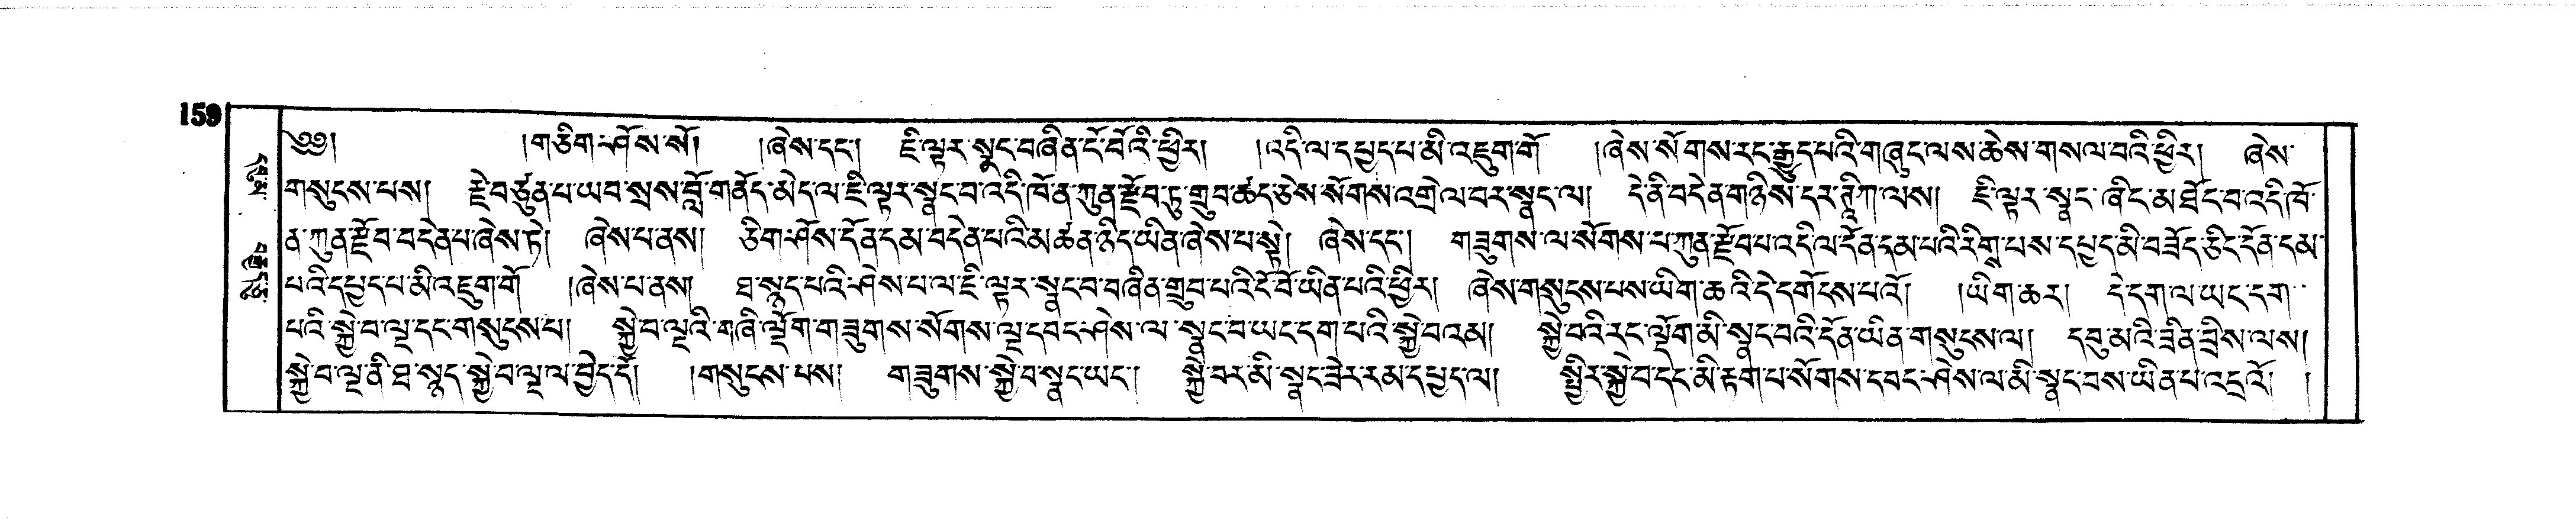༄༅། །གཅིག་ཤོས་སོ། །ཞེས་དང་། ཇི་ལྟར་སྣང་བཞིན་ངོ་བོའི་ཕྱིར། །འདི་ལ་དཔྱད་པ་མི་འཇུག་གོ །ཞེས་སོགས་རང་རྒྱུད་པའི་གཞུང་ལས་ཆེས་གསལ་བའི་ཕྱིར། ཞེས་
གསུངས་པས། རྗེ་བཙུན་པ་ཡབ་སྲས་བློ་གནོད་མེད་ལ་ཇི་ལྟར་སྣང་བ་འདི་ཁོ་ན་ཀུན་རྫོབ་ཏུ་གྲུབ་ཚད་ཅེས་སོགས་འགྲེལ་བར་སྣང་ལ། དེ་ནི་བདེན་གཉིས་དར་ཊཱིཀ་ལས། ཇི་ལྟར་སྣང་ཞིང་མཐོང་བ་འདི་ཁོ་
ན་ཀུན་རྫོབ་བདེན་པ་ཞེས་ཏེ། ཞེས་པ་ནས། ཅིག་ཤོས་དོན་དམ་བདེན་པའི་མཚན་ཉིད་ཡིན་ཞེས་པ་སྟེ། ཞེས་དང་། གཟུགས་ལ་སོགས་པ་ཀུན་རྫོབ་པ་འདི་ལ་དོན་དམ་པའི་རིགས་པས་དཔྱད་མི་བཟོད་ཅིང་དོན་དམ་
པའི་དཔྱད་པ་མི་འཇུག་གོ །ཞེས་པ་ནས། ཐ་སྙད་པའི་ཤེས་པ་ལ་ཇི་ལྟར་སྣང་བ་བཞིན་གྲུབ་པའི་ངོ་བོ་ཡིན་པའི་ཕྱིར། ཞེས་གསུངས་པས་ཡིག་ཆའི་དེ་དགོངས་པའོ། །ཡིག་ཆར། དེ་དག་ལ་ཡང་དག་
པའི་སྐྱེ་བ་ལྔ་དང་གསུངས་པ། སྐྱེ་བ་ལྔའི་གཞི་ལྡོག་གཟུགས་སོགས་ལྔ་དབང་ཤེས་ལ་སྣང་བ་ཡང་དག་པའི་སྐྱེ་བའམ། སྐྱེ་བཱི་རང་ལྡོག་མི་སྣང་བའི་དོན་ཡིན་གསུངས་ལ། དབུ་མའི་ཟིན་བྲིས་ལས།
སྐྱེ་བ་ལྔ་ནི་ཐ་སྙད་སྐྱེ་བ་ལྔ་ལ་བྱེད་དོ། །གསུངས་པས། གཟུགས་སྐྱེ་བ་སྣང་ཡང་། སྐྱེ་བར་མི་སྣང་ཟེར་རམ་དཔྱད་ལ། སྤྱིར་སྐྱེ་བ་དང་མི་རྟག་པ་སོགས་དབང་ཤེས་ལ་མི་སྣང་བས་ཡིན་པ་འདྲའོ། །